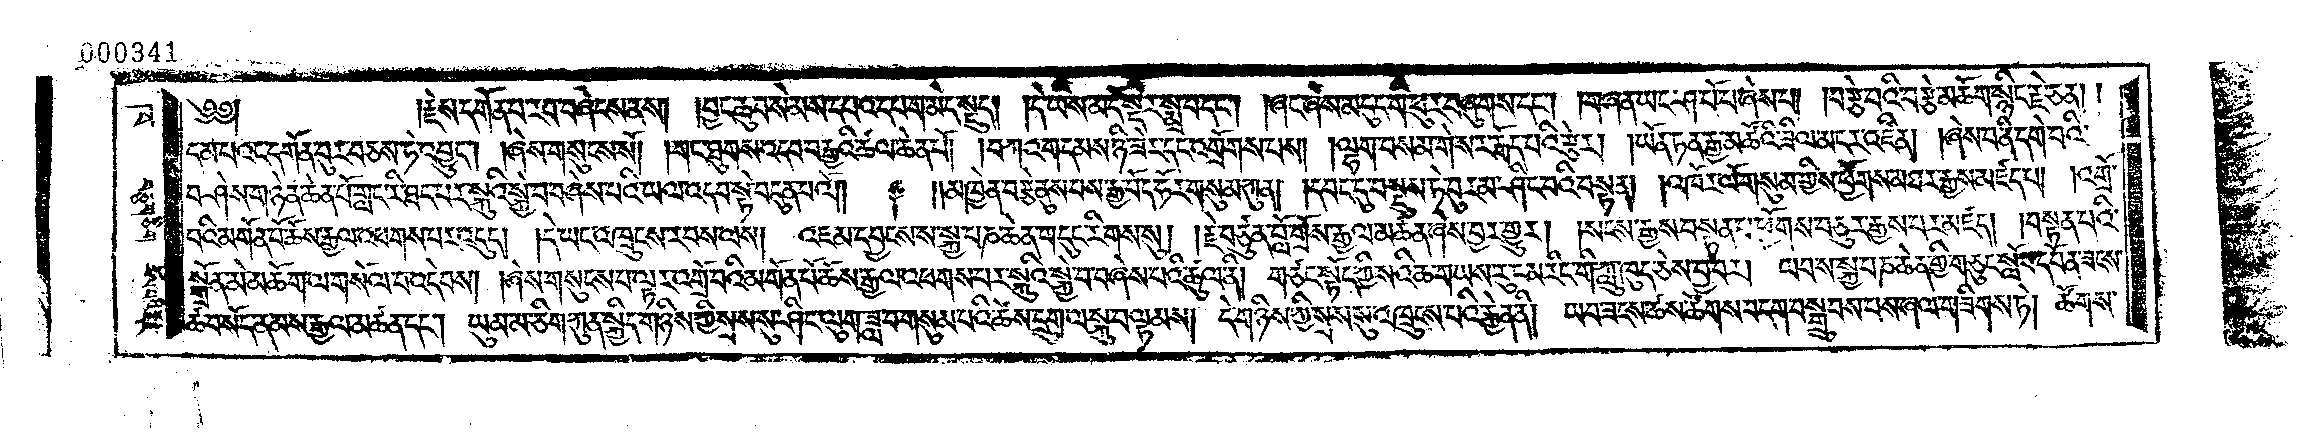༄༅། །རྗེས་དགོན་པ་རབ་བཞེངས་ནས། །བྱང་ཆུབ་སེམས་དཔའ་དཔག་མེད་སྡུད། །དེ་ཡིས་མདོ་སྡེར་སྨྲ་བ་དང་། །ཞང་ཞེས་མདུང་གི་ཕུར་བཞུགས་དང་། །གཞན་ཡང་ཤ་པོ་པ་ཞེས་པ། །བརྩེ་བའི་བརྩེ་མཆོག་སྙིང་རྗེ་ཅན། །
དམ་པའང་དགོན་བུར་བཅས་ཏེ་འབྱུང་། །ཞེས་གསུངས་སོ། །གང་ཐུགས་འདབ་བརྒྱའི་ཚལ་ཆེན་པོ། །བཀའ་གདམས་ཉི་ཟེར་དང་འགྲོགས་པས། །ལྷག་བསམ་གེ་སར་རྒོད་པའི་རྩེར། །ཡོན་ཏན་རྒྱ་མཚོའི་ཟིལ་མངར་འཛིན། །ཞེས་པ་ནི་དགེ་པའི་
བཤེས་གཉེན་ཆེན་པོ་གླང་རི་ཐང་པར་སྐུའི་སྐྱེ་བ་བཞེས་པའི་ཡལ་འདབ་སྟེ་བདུན་པའོ།། ༈ །།མཁྱེན་བརྩེ་ནུས་པས་རྒྱ་བོད་ཧོར་གསུམ་ཀུན། །དབང་དུ་བསྡུས་ཏེ་བུ་རམ་ཤིང་བའི་བསྟན། །འཁོར་ལོ་གསུམ་གྱིས་ཕྱོགས་མཐར་རྒྱས་མཛད་པ། །འགྲོ་
བའི་མགོན་པོ་ཆོས་རྒྱལ་འཕགས་པར་འདུད། །དེ་ཡང་འཁྲུངས་རབས་ལས། འཇམ་དབྱངས་ས་སྐྱ་པཎ་ཆེན་གདུང་རིགས་སུ། །རྗེ་བཙུན་བློ་གྲོས་རྒྱལ་མཚན་ཞེས་བྱར་གྱུར། །སངས་རྒྱས་བསྟན་པ་ཕྱོགས་བཅུར་རྒྱས་བར་མཛད། །བསྟན་པའི་
སྒྲོན་མེ་མཆོག་ལ་གསོལ་བ་འདེབས། །ཞེས་གསུངས་པ་ལྟར་འགྲོ་བའི་མགོན་པོ་ཆོས་རྒྱལ་འཕགས་པར་སྐུའི་སྐྱེ་བ་བཞེས་པའི་ཚུལ་ནི། གཙང་སྟོད་ཀྱི་སའི་ཆ་གཡས་རུ་ངམ་རིང་གི་ཀླུ་ཁུད་ཅེས་བྱ་བར། ཡབ་ས་སྐྱ་པཎ་ཆེན་གྱི་གཅུང་སློབ་དཔོན་ཟངས་
ཚ་བསོད་ནམས་རྒྱལ་མཚན་དང་། ཡུམ་མ་ཅིག་ཀུན་སྐྱིད་གཉིས་ཀྱི་སྲས་སུ་ཤིང་ལུག་ཟླ་བ་གསུམ་པའི་ཚེས་དྲུག་ལ་སྐུ་བལྟམས། དེ་གཉིས་ཀྱི་སྲས་སུ་འཁྲུངས་པའི་རྐྱེན་ནི། ཡབ་ཟངས་ཚས་ཆོགས་བདག་བསྒྲུབས་པས་ཞལ་གཟིགས་ཏེ། ཚོགས་